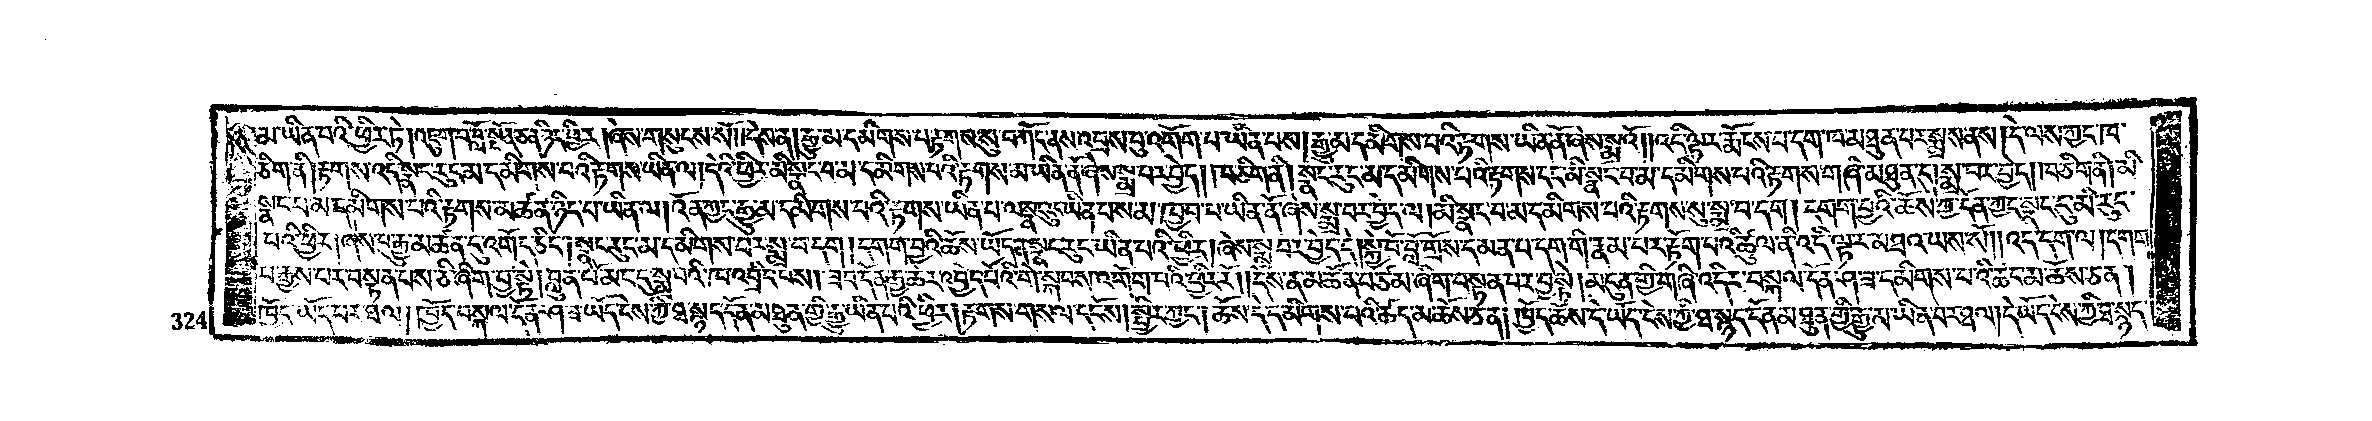མ་ཡིན་པའི་ཕྱིར་ཏེ། འཇུག་པ་བློ་སྔོན་ཅན་ཉིད་ཕྱིར། ཞེས་གསུངས་སོ། །དེས་ན། རྒྱུ་མ་དམིགས་པ་རྟགས་སུ་བཀོད་ནས་འབྲས་བུ་འགོག་པ་ཡིན་པས། རྒྱུ་མ་དམིགས་པའི་རྟགས་ཡིན་ནོ་ཞེས་སྨྲའོ། །འདི་ལྟར་རྨོངས་པ་དག་ཁ་མཐུན་པར་སྨྲས་ནས། དེ་ལས་ཀྱང་ཁ་
ཅིག་ནི། རྟགས་འདི་སྣང་རུང་མ་དམིགས་པའི་རྟགས་ཡིན་ལ། དེའི་ཕྱིར་མི་སྣང་བ་མ་དམིགས་པའི་རྟགས་མ་ཡིན་ནོ་ཞེས་སྨྲ་བར་བྱེད། ཁ་ཅིག་ནི། སྣང་རུང་མ་དམིགས་པའི་རྟགས་དང་མི་སྣང་བ་མ་དམིགས་པའི་རྟགས་གཞི་མཐུན་དུ། སྨྲ་བར་བྱེད། ཁ་ཅིག་ནི། མི་
སྣང་བ་མ་དམིགས་པའི་རྟགས་མཚན་ཉིད་པ་ཡིན་ལ། འོན་ཀྱང་རྒྱུ་མ་དམིགས་པའི་རྟགས་ཡིན་པ་ལ་སྣང་རུང་ཡིན་པས་མ་ཁྱབ་པ་ཡིན་ནོ་ཞེས་སྨྲ་བར་བྱེད་ལ། མི་སྣང་བ་མ་དམིགས་པའི་རྟགས་སུ་སྨྲ་བ་དག། དགག་བྱའི་ཆོས་ཀྱི་དོན་ཀྱང་སྣང་དུ་མི་རུང་
བའི་ཕྱིར། ཞེས་པ་རྒྱུ་མཚན་དུ་འགོད་ཅིང་། སྣང་རུང་མ་དམིགས་པར་སྨྲ་བ་དག། དགག་བྱའི་ཆོས་ཡོད་ན་སྣང་རུང་ཡིན་པའི་ཕྱིར། ཞེས་སྨྲ་བར་བྱེད་དེ། སྐྱེ་བོ་བློ་གྲོས་དམན་པ་དག་གི་རྣམ་པར་རྟོག་པའི་ཚུལ་ནི་འདི་ལྟར་མཐའ་ཡས་སོ། །འདི་དག་ལ། དགག་
པ་རྒྱས་པར་བསྟན་པས་ཅི་ཞིག་བྱ་སྟེ། བླུན་པོ་མང་དུ་སྨྲ་བའི་ཁ་འབྲིད་པས། ཟབ་དོན་རྒྱ་ཆེར་འབྱེད་པོའི་གོ་?་སྐབས་འགོག་པའི་ཕྱིར་རོ། །དེས་ན་མཚོན་པ་ཙམ་ཞིག་བསྟན་པར་བྱ་སྟེ། མདུན་གྱི་གཞི་འདིར་བསྐལ་དོན་ཤ་ཟ་དམིགས་པའི་ཚད་མ་ཆོས་ཅན།
ཁྱོད་ཡོད་པར་ཐལ། ཁྱོད་བསྐལ་དོན་ཤ་ཟ་ཡོད་ངེས་ཀྱི་ཐ་སྙད་དོན་མཐུན་གྱི་རྒྱུ་ཡིན་པའི་ཕྱིར། རྟགས་གསལ་དངོས། སྤྱིར་ཀྱང་། ཆོས་དེ་དམིགས་པའི་ཚད་མ་ཆོས་ཅན། ཁྱོད་ཆོས་དེ་ཡོད་ངེས་ཀྱི་ཐ་སྙད་དོན་མཐུན་གྱི་རྒྱུ་མ་ཡིན་པར་ཐལ། དེ་ཡོད་ངེས་ཀྱི་ཐ་སྙད་